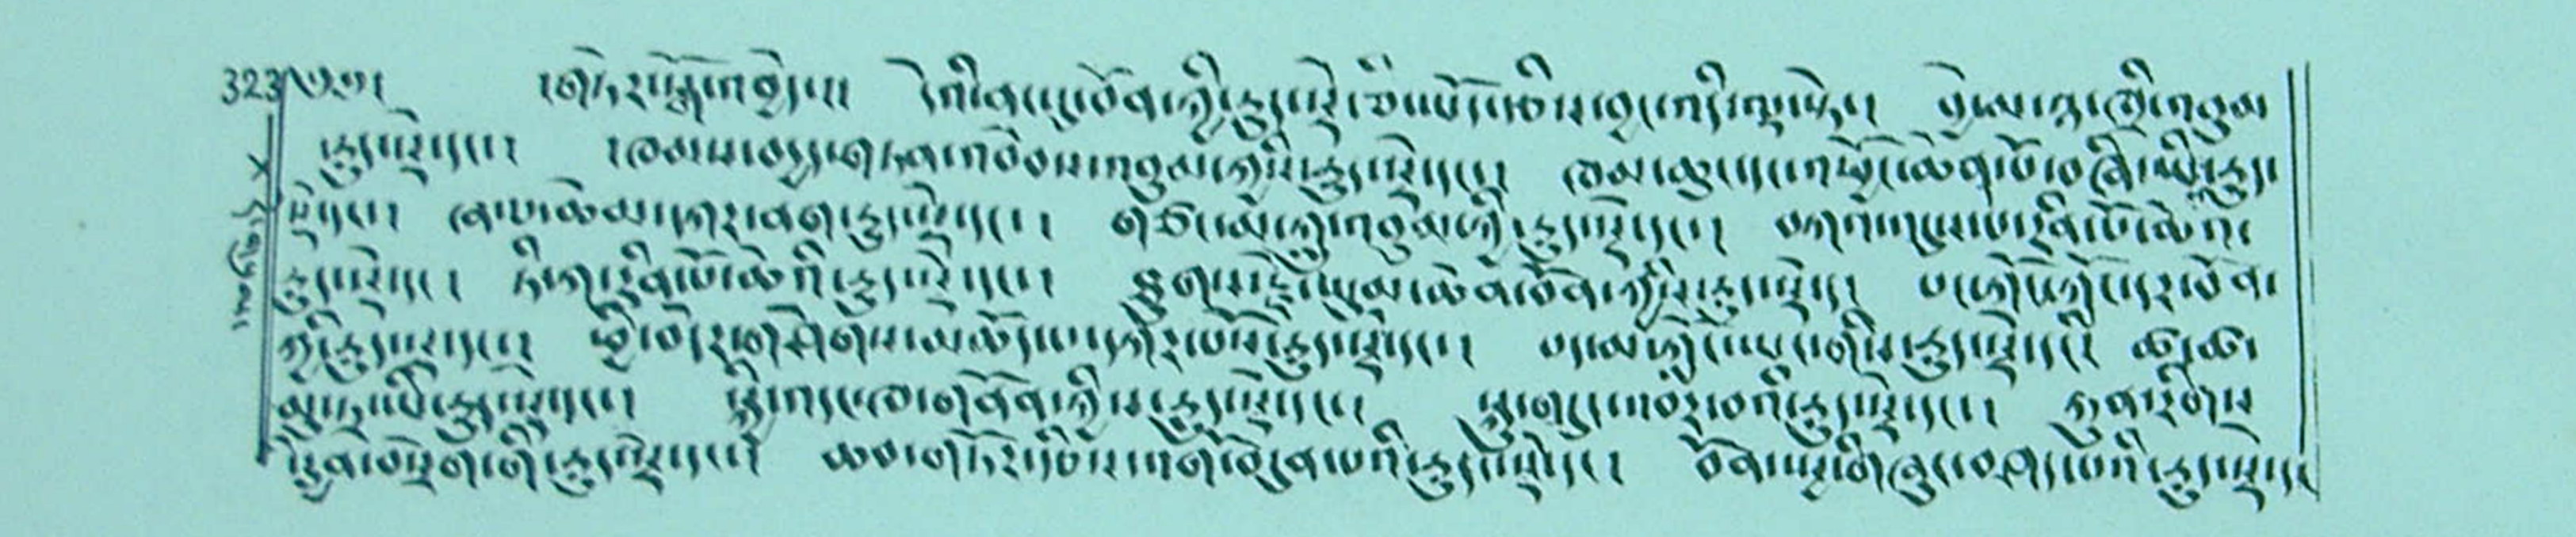༄༅། །གཏེར་སྒོ་འབྱེད། དེའི་ནང་དུ་བོན་གྱི་རྒྱུད་སྡེ་ཅི་ཡོད་རྩིས་བྱང་འདི་ལྟ་སྟེ། བྱེ་མ་ཉི་ཁྲི་འབུམ་
རྒྱུད་སྡེ་དང་། ཁམས་བརྒྱད་གཏན་འབེབས་འབུམ་གྱི་རྒྱུད་སྡེ་དང་། ཁམས་ཆུང་དང་འཕྱོང་ཆེན་པོ་བཞི་ཡི་རྒྱུད་
སྡེ་དང་། ཞལ་ཆེམ་དཀར་ནག་རྒྱུད་སྡེ་དང་། གཙང་མ་ཀླུ་འབུམ་རྒྱུད་སྡེ་དང་། བཀའ་འདུས་པ་རིན་པོ་ཆེའི་
རྒྱུད་སྡེ་དང་། ཏི་ཀ་རིན་པོ་ཆེའི་རྒྱུད་སྡེ་དང་། ཐུགས་རྗེ་ཡུམ་ཆེན་བོན་གྱི་རྒྱུད་སྡེ་དང་། པང་ཀོང་ཀློང་དར་བོན་
གྱི་རྒྱུད་སྡེ་དང་། ཕྱི་བདེར་གཤེགས་མཆོད་པ་དཀར་པོའི་རྒྱུད་སྡེ་དང་། པད་མ་ཀློང་ཡངས་ཀྱི་རྒྱུད་སྡེ་དང་། ཚ་ཚ་
མུ་ཏྲའི་རྒྱུད་སྡེ་དང་། སྐྱི་འདང་ཁ་གནོན་གྱི་རྒྱུད་སྡེ་དང་། སྐུ་གདུང་འབར་བའི་རྒྱུད་སྡེ་དང་། ཀུན་རིག་
སྦྱིན་བསྲེག་གི་རྒྱུད་སྡེ་དང་། ཆབ་གཏོར་རྩིས་འགོ་བདུན་པའི་རྒྱུད་སྡེ་དང་། བོན་སྤྱི་གཞུང་བཤད་པའི་རྒྱུད་སྡེ་དང་།